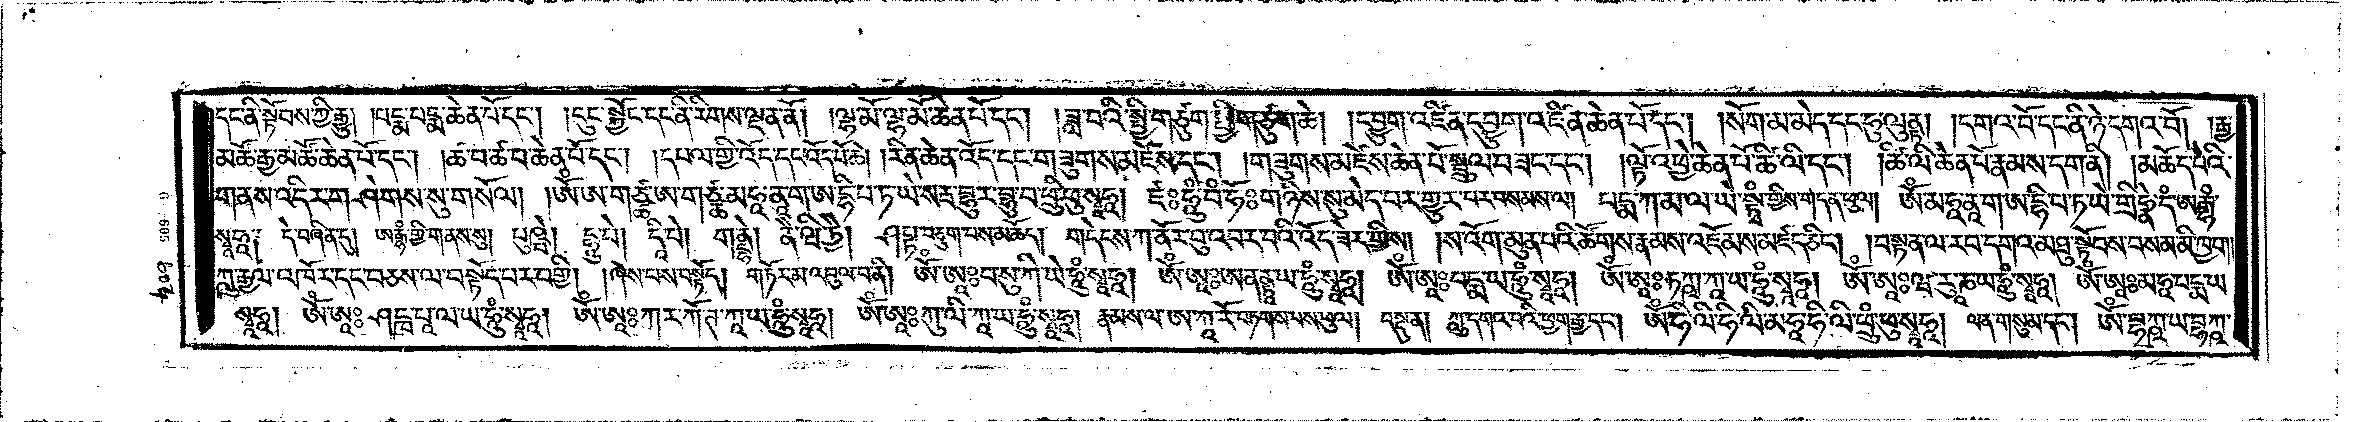དང་ནི་སྟོབས་ཀྱི་རྒྱུ། །པདམ་པདམ་ཆེན་པོ་དང་། །དུང་སྐྱོང་དང་ནི་རིགས་ལྡན་ནོ། །ལྷ་མོ་ལྷ་མོ་ཆེན་པོ་དང་། །ཟླ་བའི་སྤྱི་གཙུག་སྤྱི་གཙུག་ཆེ། །དབྱུག་འཛིན་དབྱུག་འཛིན་ཆེན་པོ་དང་། །སོག་མ་མེད་དང་ཧུ་ལུནྟ། །དགའ་བོ་དང་ནི་ཉེ་དགའ་བོ། །རྒྱ་
མཚོ་རྒྱ་མཚོ་ཆེན་པོ་དང་། །ཚ་བ་ཚ་བ་ཆེན་པོ་དང་། །དཔལ་གྱི་འོད་དང་འོད་པོ་ཆེ། །རིན་ཆེན་འོད་དང་གཟུགས་མཛེས་དང་། །གཟུགས་མཛེས་ཆེན་པོ་སྦྲུལ་བཟང་དང་། །ལྟོ་འཕྱེ་ཆེན་པོ་ཚི་ལི་དང་། །ཚི་ལི་ཆེན་པོ་རྣམས་དག་ནི། །མཆོད་པའི་
ཕ༹གནས་འདིར་གཤེགས་སུ་གསོལ། །ཨོཾ་ཨ་གཙྪ་ཨ་གཙྪ་མཧཱ་ནཱ་ག་ཨ་དྷི་པ་ཏ་ཡེ་སརྦ་བྷུར་བྷུ་བ་ཕྲུཨིཕུ་སྭཱཧཱ། ཛཿཧཱུཾ་བཾ་ཧོཿགཉིས་སུ་མེད་པར་གྱུར་པར་བསམས་ལ།  པདམ་ཀ་མ་ལ་ཡེ་སྟྭཾ་གྱིས་གདན་ཕུལ།  ཨོཾ་མཧཱ་ནཱ་ག་ཨ་དྷི་པ་ཏ་ཡེ་གྲིཧྣེ་དཾ་ཨརྒྷཾ་
སྭཱཧཱ༑ དེ་བཞིན་དུ། ཨརྒྷཾ་གྱི་གནས་སུ།  པུཥྤེ། དྷཱུ་པེ། དཱི་པེ། གནྡྷེ། ནཻ་ཝི་ཏྱཻ། ཤཔྟ་བཅུག་པས་མཆོད།  གདེངས་ཀ་ནོར་བུ་འབར་བའི་འོད་ཟེར་གྱིས། །ས་འོག་མུན་པའི་ཚོགས་རྣམས་འཇོམས་མཛད་ཅིང་། །བསྟན་ལ་རབ་དགའ་མཐུ་སྟོབས་བསམ་མི་ཁྱབ།
ཀླུ་རྒྱལ་འཁོར་དང་བཅས་ལ་བསྟོད་པར་བགྱི། །ཞེས་པས་བསྟོད། གཏོར་མ་འབུལ་བ་ནི།  ཨོཾ་ཨཱཿབ་སུ་ཀི་ཡེ་ཧཱུཾ་སྭཱཧཱ། ཨོཾ་ཨཱཿཨ་ནནྟཱ་ཡ་ཧཱུཾ་སྭཱཧཱ། ཨོཾ་ཨཱཿཔདམ་ཡ་ཧཱུཾ་སྭཱཧཱ། ཨོཾ་ཨཱཿཏཀྵ་ཀཱ་ཡ་ཧཱུཾ་སྭཱཧཱ། ཨོཾ་ཨཱཿཝ་རུ་ཎཱ་ཡ་ཧཱུཾ་སྭཱཧཱ། ཨོཾ་ཨཱཿམཧཱ་པདམ་ཡ་
སྭཱཧཱ། ཨོཾ་ཨཱཿཤངྑ་པཱ་ལ་ཡ་ཧཱུཾ་སྭཱཧཱ། ཨོཾ་ཨཱཿཀར་ཀོ་ཊ་ཀཱ་ཡ་ཧཱུཾ་སྭཱཧཱ། ཨོཾ་ཨཱཿཀུ་ལི་ཀཱ་ཡ་ཧཱུཾ་སྭཱཧཱ། རྣམས་ལ་ཨ་ཀཱ་རོ་བཏགས་པས་ཕུལ། བསྡུ་ན། ཀླུ་དགའ་བའི་ཕྱག་རྒྱ་དག། ཨོཾ་ཧི་ལི་ཧི་ལི་མཧཱ་ཧི་ལི་ཕྲུཾ་ཕུ་སྭཱཧཱ། ལན་གསུམ་དང་།  ཨོཾ་བྷཀྵ་ཡ་བྷཀྵ་